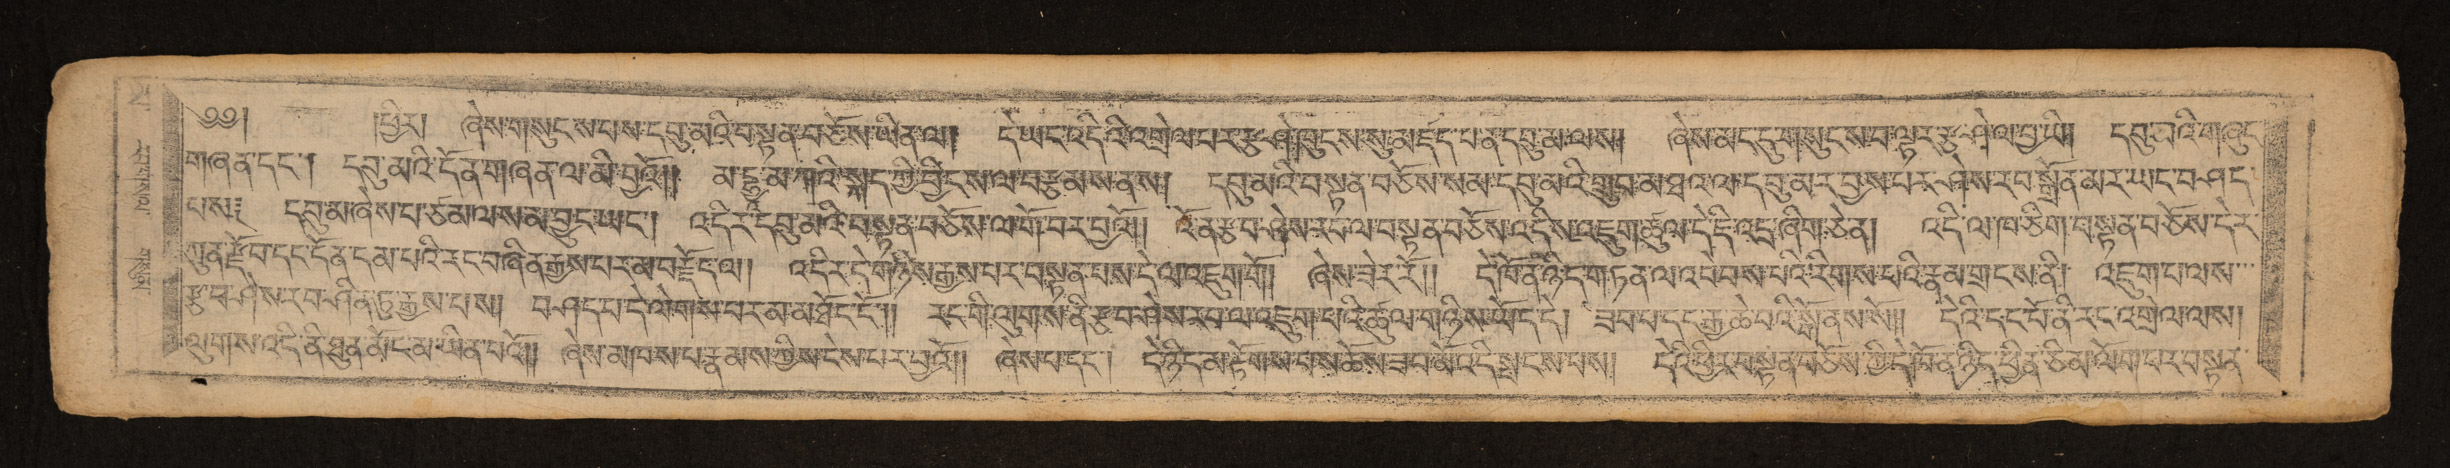༄༅། །ཕྱིར། ཞེས་གསུངས་པས་དབུ་མའི་བསྟན་བཅོས་ཡིན་ལ། དེ་ཡང་འདིའི་འགྲེལ་པར་རྩ་ཤེ་ཁུངས་སུ་མཛད་པ་ན་དབུ་མ་ལས། ཞེས་མང་དུ་གསུངས་པ་ལྟར་རྩ་ཤེ་ལ་བྱ་ཡི། དབུ་མའི་གཞུང་
གཞན་དང་། དབུ་མའི་དོན་གཞན་ལ་མི་བྱའོ། །མ་དྷྱཱ་མ་ཀའི་སྐད་ཀྱི་བྱིངས་ལ་བརྩམས་ནས། དབུ་མའི་བསྟན་བཅོས་སམ་དབུ་མའི་གྲུབ་མཐའ་ལ་དབུ་མར་བྱས་པར་ཤེས་རབ་སྒྲོན་མར་ཡང་བཤད་
པས༑ དབུ་མ་ཞེས་པ་ཙམ་ལས་མ་བྱུང་ཡང་། འདིར་དབུ་མའི་བསྟན་བཅོས་ལ་གོ་བར་བྱའོ། །འོ་ན་རྩ་བ་ཤེས་རབ་ལ་བསྟན་བཅོས་འདིས་འཇུག་ཚུལ་དེ་ཇི་འདྲ་ཞིག་ཅེ་ན། འདི་ལ་ཁ་ཅིག་བསྟན་བཅོས་དེར་
ཀུན་རྫོབ་དང་དོན་དམ་པའི་རང་བཞིན་རྒྱས་པར་མ་བརྗོད་ལ། འདིར་དེ་གཉིས་རྒྱས་པར་བསྟན་པས་དེ་ལ་འཇུག་གོ། ཞེས་ཟེར་རོ།། དེ་ཁོ་ན་ཉིད་གཏན་ལ་འབེབས་པའི་རིགས་པའི་རྣམ་གྲངས་ནི། འཇུག་པ་ལས་
རྩ་བ་ཤེས་རབ་ཤིན་ཏུ་རྒྱས་པས། བཤད་པ་དེ་ལེགས་པར་མ་མཐོང་ངོ། །རང་གི་ལུགས་ནི་རྩ་བ་ཤེས་རབ་ལ་འཇུག་པའི་ཚུལ་གཉིས་ཡོད་དེ། ཟབ་པ་དང་རྒྱ་ཆེ་བའི་སྒོ་ནས་སོ། །དེའི་དང་པོ་ནི་རང་འགྲེལ་ལས།
ལུགས་འདི་ནི་ཐུན་མོང་མ་ཡིན་པའོ།། ཞེས་མཁས་པ་རྣམས་ཀྱིས་ངེས་པར་བྱའོ།། ཞེས་པ་དང་། དེ་ཉིད་མ་རྟོགས་པས་ཆོས་ཟབ་མོ་འདི་སྤངས་པས། དེའི་ཕྱིར་བསྟན་བཅོས་ཀྱིས་དེ་ཁོ་ན་ཉིད་ཕྱིན་ཅི་མ་ལོག་པར་བསྟན་